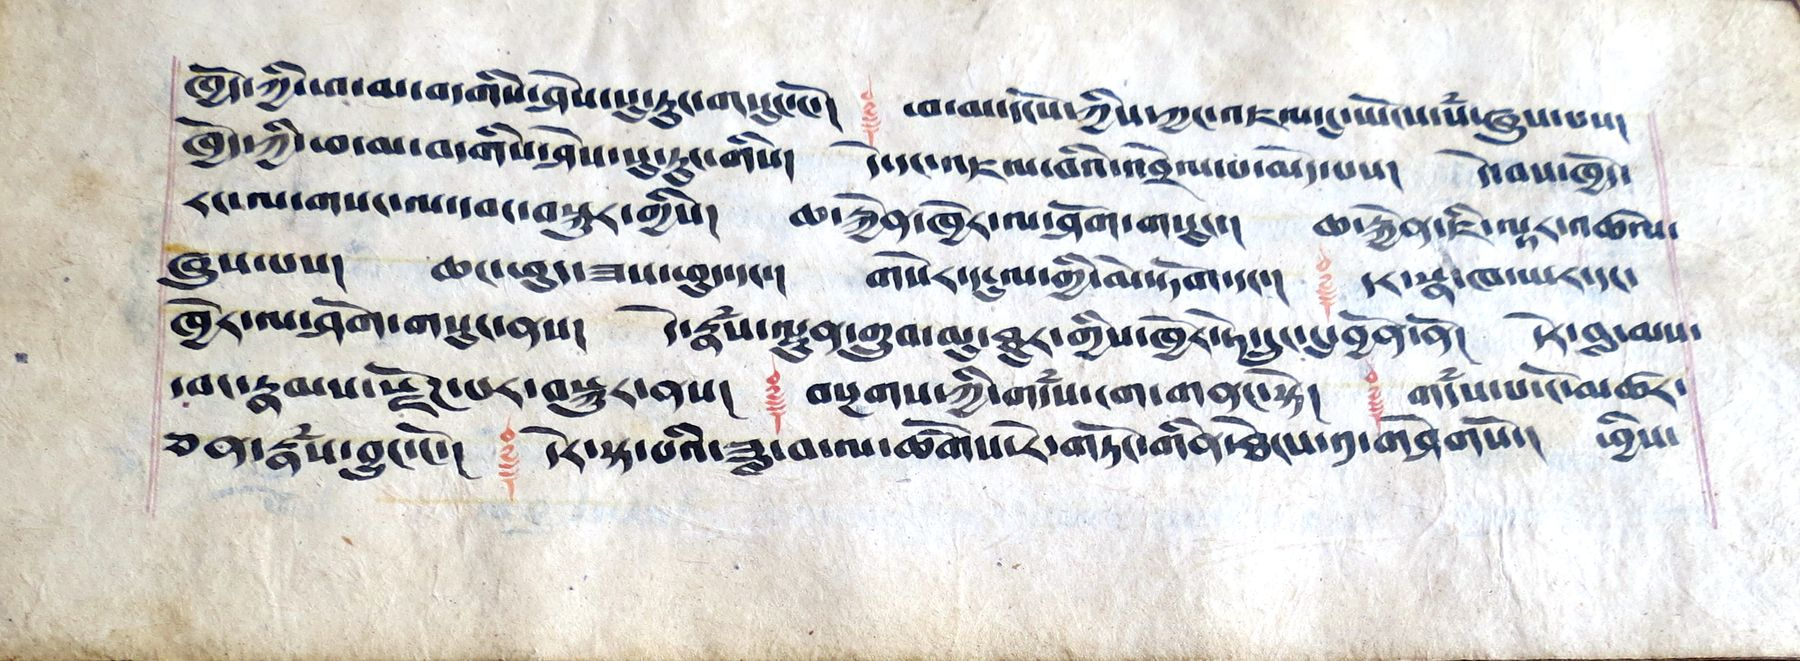ཁྱེད་ཀྱི་ཕ་མ་བདག་གིས་ཤེས་སུ་རུང་གསུངས་སོ། ། ཕ་མ་དངོས་ཀྱིས་ཀྱང་མཇལ་དུ་ཡོང་ངམ་ཞུས་པས། 
ཁྱེད་ཀྱི་ཕ་མ་བདག་གིས་ཤེས་སུ་རུང་གི། དེ་དང་མཇལ་བའི་འབྲེལ་བ་མེད་པས། དེ་བས་ཁྱོད་
རང་གསང་ལ་དབང་བསྐུར་གྱི། ཆ་རྐྱེན་ཁྱེར་ལ་ཤོག་གསུངས། ཆ་རྐྱེན་ཅི་ལྟར་འཚལ་
ཞུས་པས། ཆང་ཕུད་ཟས་ཕུད་དང་། གསེར་དངུལ་གྱི་མེ་ཏོག་དང་། དར་སྣ་ཁ་ཡར་དང་
ཁྱེར་ལ་ཤོག་གསུངས་ནས། དེ་རྣམས་ལྷུན་གྲུབ་མུ་ཐུར་གྱིས་ཁྱེར་ཏེ་དྲུང་དུ་བྱོན་ནོ། ། དེར་བླ་མས་
དབང་རྣམས་རྫོགས་པར་བསྐུར་ནས། སྔགས་ཀྱི་གདམས་ངག་གནང་སྟེ། གདམས་པ་ངོ་མཚར་
ཅན་རྣམས་བྱུང་ངོ། ། དེར་རྟ་པའི་ཟླ་བ་ལ་ཚོགས་རེ་གཏོང་གིན་ཐེངས་ཞིག་གཤེགས་སོ། ། ཕྱིས་